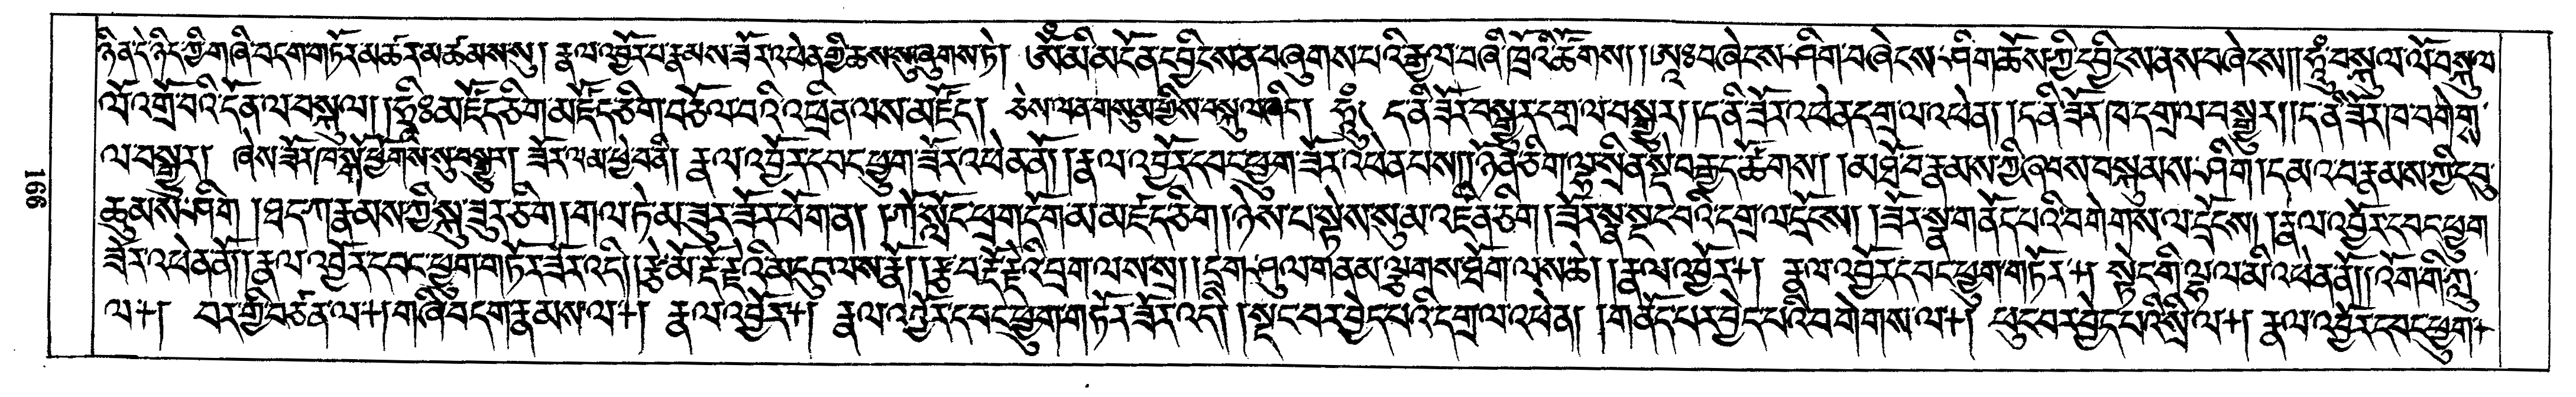ཉིན་དེ་ཉིད་ཀྱི་གཞི་བདག་གཏོར་མ་ཚར་མཚམས་སུ། རྣལ་འབྱོར་པ་རྣམས་ཟོར་འཕེན་གྱི་ཆས་སུ་ཞུགས་ཏེ། ཨོཾ་མི་མངོན་དབྱིངས་ན་བཞུགས་པའི་རྒྱལ་བ་ཞི་ཁྲོའི་ཚོགས། །ཨཱཿབཞེངས་ཤིག་བཞེངས་ཤིག་ཆོས་ཀྱི་དབྱིངས་ནས་བཞེངས། །ཧཱུཾ་བསྐུལ་ལོ་བསྐུལ་
ལོ་འགྲོ་བའི་དོན་ལ་བསྐུལ། །ཧྲཱིཿམཛོད་ཅིག་མཛོད་ཅིག་བཅོལ་བའི་འཕྲིན་ལས་མཛོད། ཅེས་ལན་གསུམ་གྱིས་བསྐུལ་ཞིང་། ཧཱུཾ༑ ད་ནི་ཟོར་བསྒྱུར་དགྲ་ལ་བསྒྱུར། །ད་ནི་ཟོར་འཕེན་དགྲ་ལ་འཕེན། །ད་ནི་ཟོར་ཁ་དགྲ་ལ་བསྒྱུར། །ད་ནི་ཟོར་ཁ་བགེགས་
ལ་བསྒྱུར། ཞེས་ཟོར་ཁ་སྒོ་ཕྱོགས་སུ་བསྒྱུར། ཟོར་ལམ་ཕྱེ་བ་ནི། རྣལ་འབྱོར་དབང་ཕྱུག་ཟོར་འཕེན་ནོ། །རྣལ་འབྱོར་དབང་ཕྱུག་ཟོར་འཕེན་པས། །ཉོན་ཅིག་ལྷ་སྲིན་སྡེ་བརྒྱད་ཚོགས། །མཐོ་བ་རྣམས་ཀྱི་ཞབས་བསྐུམས་ཤིག། དམའ་བ་རྣམས་ཀྱི་དབུ་
ཆུམས་ཤིག །ཐད་ཀ་རྣམས་ཀྱི་སྐུ་ཟུར་ཅིག །གལ་ཏེ་མ་ཟུར་ཟོར་ཕོག་ན། །ཀོ་སློང་ཕྲག་དོག་མ་མཛད་ཅིག །ཉེས་པ་སྟེས་སུ་མ་འཛིན་ཅིག །ཟོར་སྣ་སྡང་བའི་དགྲ་ལ་དྲོངས། །ཟོར་སྣ་གནོད་པའི་བགེགས་ལ་དྲོངས། །རྣལ་འབྱོར་དབང་ཕྱུག་
ཟོར་འཕེན་ནོ། །རྣལ་འབྱོར་དབང་ཕྱུག་གཏོར་ཟོར་འདི། །རྩེ་མོ་རྡོ་རྗེའི་མདུང་ལས་རྣོ། །རྩ་བ་རྡོ་རྗེའི་བྲག་ལས་སྲ། །དྲག་ཤུལ་གནམ་ལྕགས་ཐོག་ལས་ཆེ། །རྣལ་འབྱོར། རྣལ་འབྱོར་དབང་ཕྱུག་གཏོར། སྟེང་གི་ལྷ་ལ་མི་འཕེན་ནོ། །འོག་གི་ཀླུ་
ལ། བར་གྱི་བཙན་ལ། གཞི་བདག་རྣམས་ལ། རྣལ་འབྱོར། རྣལ་འབྱོར་དབང་ཕྱུག་གཏོར་ཟོར་འདི། །སྡང་བར་བྱེད་པའི་དགྲ་ལ་འཕེན། །གནོད་པར་བྱེད་པའི་བགེགས་ལ། ཕུང་བར་བྱེད་པའི་སྲི་ལ། རྣལ་འབྱོར་དབང་ཕྱུ་